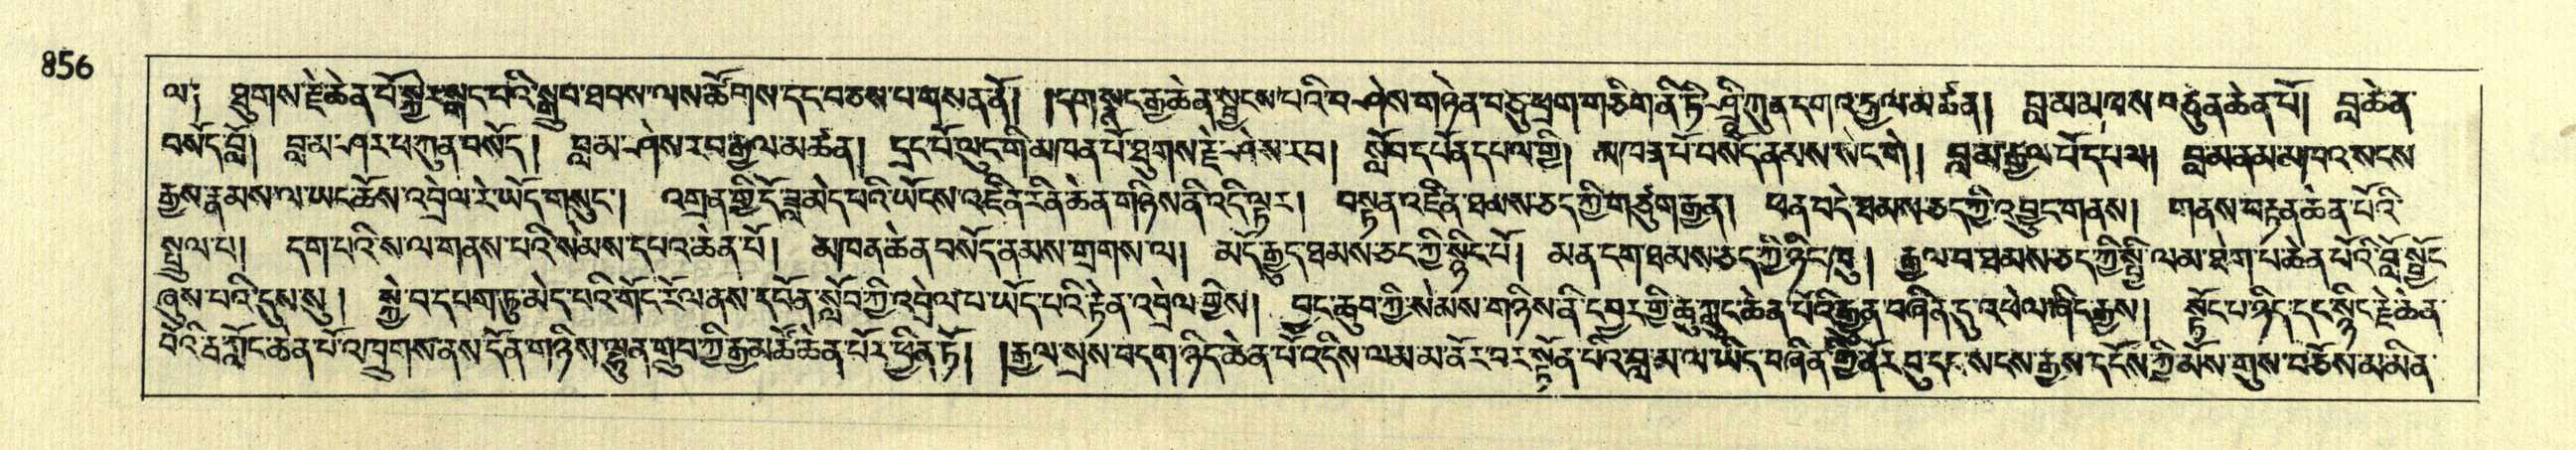ལ༑ ཐུགས་རྗེ་ཆེན་པོ་སྐྱེར་སྒང་པའི་སྒྲུབ་ཐབས་ལས་ཚོགས་དང་བཅས་པ་གསན་ནོ། །དག་སྣང་རྒྱ་ཆེན་སྦྱངས་པའི་བཤེས་གཉེན་བཅུ་ཕྲག་གཅིག་ནི་ཏི་ཤྲཱི་ཀུན་དགའ་རྒྱལ་མཚན། བླ་མ་མཁས་བཙུན་ཆེན་པོ། བླ་ཆེན་
བསོད་བློ། བླ་མ་ཤར་པ་ཀུན་བསོད། བླ་མ་ཤེས་རབ་རྒྱལ་མཚན། དྲང་པོ་ལུང་གི་མཁན་པོ་ཐུགས་རྗེ་ཤེས་རབ། སློབ་དཔོན་དཔལ་གྱི། མཁན་པོ་བསོད་ནམས་སེང་གེ། བླ་མ་རྒྱལ་པོ་དཔལ། བླ་མ་ནམ་མཁའ་སངས་
རྒྱས་རྣམས་ལ་ཡང་ཆོས་འབྲེལ་རེ་ཡོད་གསུང་། འགྲན་གྱི་དོ་ཟླ་མེད་པའི་ཡོངས་འཛིན་རིན་ཆེན་གཉིས་ནི་འདི་ལྟར། བསྟན་འཛིན་ཐམས་ཅད་ཀྱི་གཙུག་རྒྱན། ཕན་བདེ་ཐམས་ཅད་ཀྱི་འབྱུང་གནས། གནས་བརྟན་ཆེན་པོའི་
སྤྲུལ་པ། དག་པའི་ས་ལ་གནས་པའི་སེམས་དཔའ་ཆེན་པོ། མཁན་ཆེན་བསོད་ནམས་གྲགས་ལ། མདོ་རྒྱུད་ཐམས་ཅད་ཀྱི་སྙིང་པོ། མན་ངག་ཐམས་ཅད་ཀྱི་ཉིང་ཁུ། རྒྱལ་བ་ཐམས་ཅད་ཀྱི་སྤྱི་ལམ་ཐེག་པ་ཆེན་པོའི་བློ་སྦྱོང་
ཞུས་པའི་དུས་སུ། སྐྱེ་བ་དཔག་ཏུ་མེད་པའི་གོང་རོལ་ནས་དཔོན་སློབ་ཀྱི་འབྲེལ་པ་ཡོད་པའི་རྟེན་འབྲེལ་གྱིས། བྱང་ཆུབ་ཀྱི་སེམས་གཉིས་ནི་དབྱར་གྱི་ཆུ་ཀླུང་ཆེན་པོའི་རྒྱུན་བཞིན་དུ་འཕེལ་ཞིང་རྒྱས། སྟོང་པ་ཉིད་དང་སྙིང་རྗེ་ཆེན་
བོའི་རྦ་ཀློང་ཆེན་པོ་འཁྲུགས་ནས་དོན་གཉིས་ལྷུན་གྲུབ་ཀྱི་རྒྱ་མཚོ་ཆེན་པོར་ཕྱིན་ཏོ། །རྒྱལ་སྲས་བདག་ཉིད་ཆེན་པོ་འདིས་ལམ་མ་ནོར་བར་སྟོན་པའི་བླ་མ་ལ་ཡིད་བཞིན་གྱི་ནོར་བུ་དང་སངས་རྒྱས་དངོས་ཀྱི་མོས་གུས་བཅོས་མ་མིན་